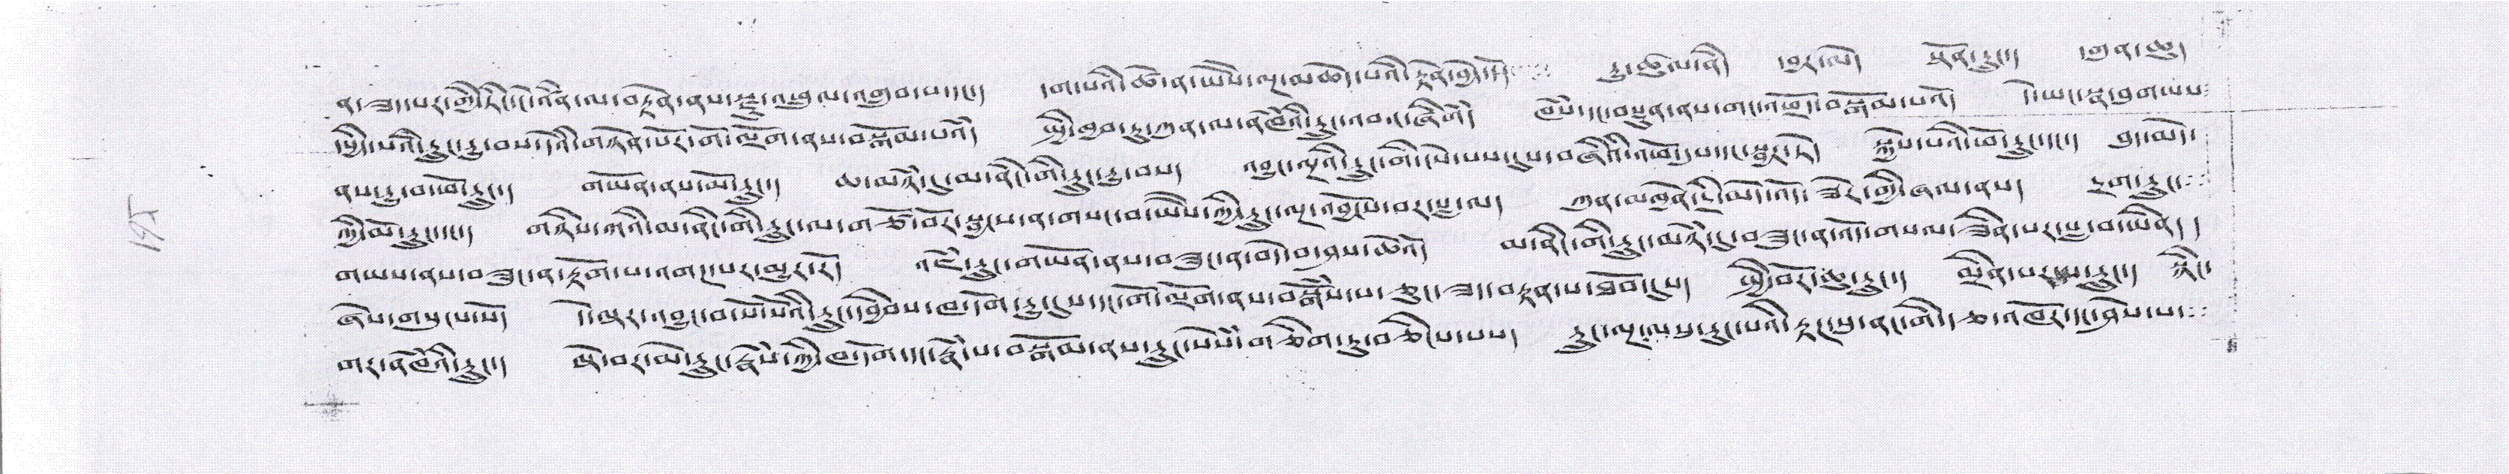ན་ཟད་པར་གྱི་ཏིང་ངེ་འཛིན་ལ་བརྟེན་ནས་རྫུ་འཕྲུལ་འགྲུབ་པ་དང་། དག་པའི་ཚེ་ན་ཡེ་ཤེས་ལྔ་མཆེད་པའི་རྟེན་བྱེད་དོ། རྒྱུ་ཚུལ་ནི། དབྱར་མེ། སྟོན་རླུང་། དགུན་ཆུ། 
དཔྱིད་ས་ཡི་རླུང་རྒྱུ་བས་དེའི་གཉེན་པོར་གོ་ལྡོག་ནས་བསྒོམ་པའམ། སྤྱི་ཁྱབ་ཏུ་ཀུན་ལ་ནམ་མཁའི་རླུང་འབའ་ཞིག་གམ། ཁམས་དང་བསྟུན་ནས་གང་འཕྲོད་བསྒོམ་པའོ། དེ་ཡང་སྣ་བུག་གཡས་
ནས་རྒྱུ་བ་ཕོ་རླུང་། གཡོན་ནས་མོ་རླུང་། ཆ་མཉམ་དུ་མ་ནིང་གི་རླུང་རྒྱུ་བས། འབྱུང་ལྔའི་རླུང་གི་དཔེ་བས་དུས་བཞིའི་འཕོ་དུས་དང་སྦྱར་ཏེ། སྐྱེས་པའི་ཕོ་རླུང་དང་། བུད་མེད་
ཀྱི་མོ་རླུང་དང་། གཉིས་ཀའི་མ་ནིང་གི་རླུང་ལ་གཙོ་བོར་སྦྱངས་ན་གསང་བ་ཡེ་ཤེས་ཀྱི་རླུང་ལྔ་འབྱོངས་པར་སླ་ལ། ཀུན་མཁྱེན་དྲི་མེད་འོད་ཟེར་གྱི་ཞལ་ནས། དྲག་རླུང་
གཡས་ནས་བཟུང་ན་རྟོག་པ་འགག་པར་མྱུར་རོ། འཇམ་རླུང་གཡོན་ནས་བཟུང་ན་བདེ་བ་ཤས་ཆེའོ། མ་ནིང་གི་རླུང་མཉམ་དུ་བཟུང་ན་འོད་གསལ་ཟིན་པར་སླ་བ་ཡིན། 
ཞེས་གསུངས་སོ། དེ་ལྟར་འབྱུང་བ་སོ་སོའི་རླུང་དབྱིབས་ཁ་དོག་རྒྱུ་དུས་དང་གོ་ལྡོག་ནས་བསྒོམ་པ་ཅུང་ཟད་བརྟན་པ་ཐོབ་དུས། སྤྱི་བོར་ཆུ་རླུང་། མགྲིན་པར་ས་རླུང་། སྙིང་
གར་ནམ་མཁའི་རླུང་། ལྟེ་བར་མེ་རླུང་རྣམས་ཀྱི་ཁ་དོག་དང་རྣམ་པ་བསྒོམ་ནས་རླུང་སེམས་གཅིག་ཏུ་བཅིངས་པས། རླུང་ལྔ་ལས་སུ་རུང་བའི་རྟགས་སུ་ནང་གི་རྩ་འཁོར་དང་ཤེས་པ་